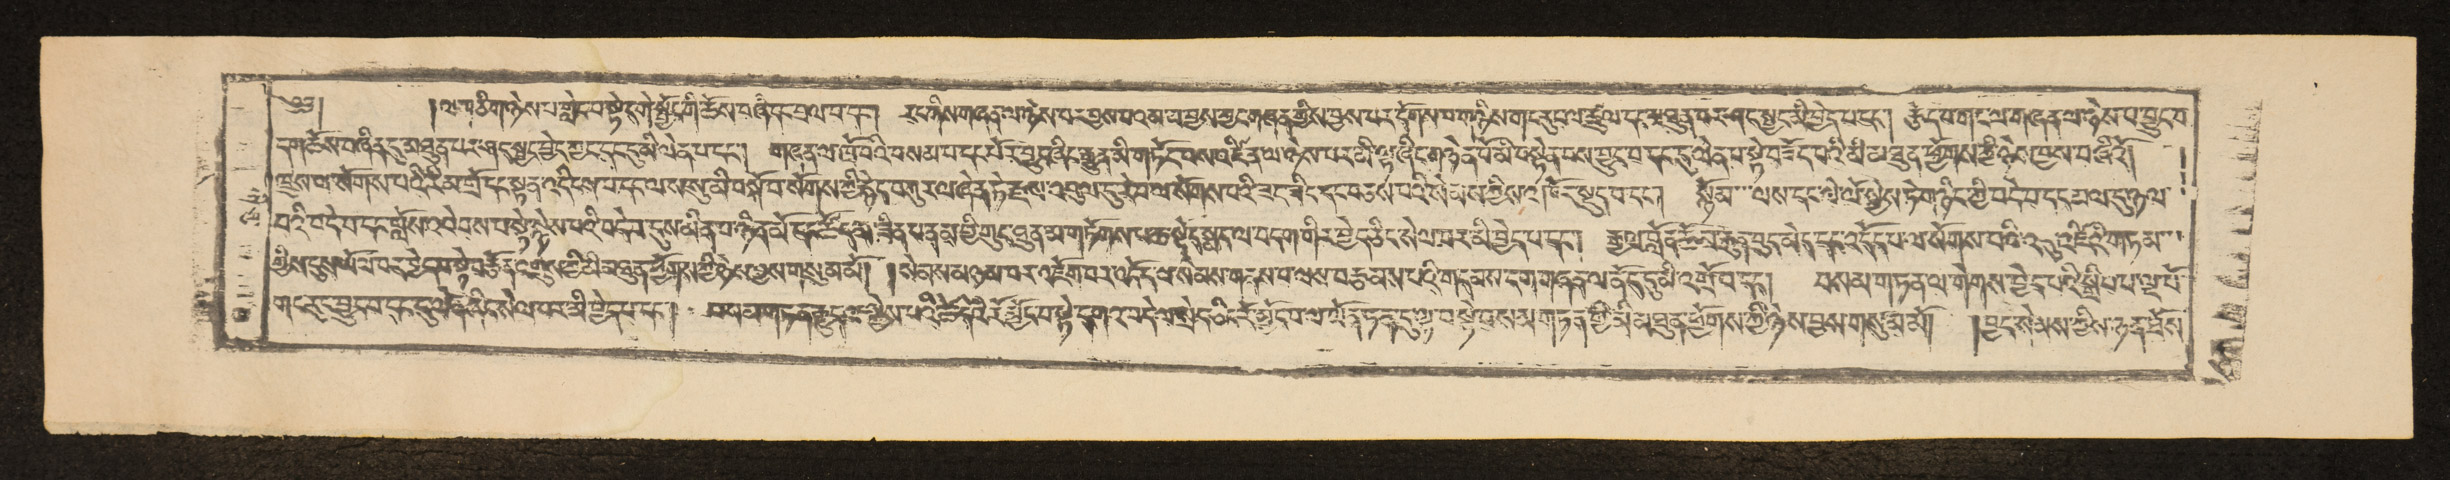༄༅། །ལ་གཅིག་ཉེས་པ་གླེང་པ་སྟེ་དགེ་སྦྱོང་གི་ཆོས་བཞི་དང་བྲལ་བ་དང་། རང་གིས་གཞན་ལ་ཉེས་པར་བྱས་པའམ་མ་བྱས་ཀྱང་གཞན་གྱིས་བྱས་པར་དོགས་པ་གཉིས་གང་རུང་ལ་ཚུལ་དང་མཐུན་པར་ཤང་སྦྱང་མི་བྱེད་པ་དང་། རྩོད་པ་གང་ལ་གཞན་ལ་ཉེས་པ་བྱུང་བ་
དག་ཆོས་བཞིན་དུ་མཐུན་པར་ཤད་སྦྱང་བྱེད་ཀྱང་དང་དུ་མི་ལེན་པ་དང་། གཞན་ལ་ཁྲོ་བའི་བསམ་པ་དང་པོར་བྱུང་ཞིང་རྒྱུན་མི་གཏོང་བས་འཛིན་ལ་ཉེས་པར་མི་ལྟ་ཞིང་གཉེན་པོ་མི་བསྟེན་པས་བྱུང་བ་དང་དུ་ལེན་པ་སྟེ་བཟོད་པའི་མི་མཐུན་ཕྱོགས་ཀྱི་ཉེས་བྱས་བཞིའོ། །
ཁྲུས་ལ་སོགས་པའི་རིམ་གྲོ་དང་སྟན་འདིངས་པ་དང་ལས་སུ་མི་བསྐོ་བ་སོགས་ཀྱི་རྙེད་བཀུར་ལ་ཞེན་ཏེ་རྫས་འབུལ་དུ་རེ་བ་ལ་སོགས་པའི་ཟང་ཟིང་དང་བཅས་པའི་སེམས་ཀྱིས་འཁོར་སྡུད་པ་དང་། སྙོམ་ལས་དང་ལེ་ལོ་སྐྱེས་ཏེ་གཉིད་ཀྱི་བདེ་བ་དང་མལ་དུ་ཉལ་
བའི་བདེ་བ་དང་བློས་འབེབས་པ་སྟེ་སྙེམ་པའི་བདེ་བ་དུས་མིན་པ་ཉིན་མོ་དང་ཚོད་མ་ཟིན་པ་ནམ་གྱི་གུང་ཐུན་མ་གཏོགས་པ་ཆ་སྟོད་སྨད་ལ་བདག་གིར་བྱེད་ཅིང་སེལ་བར་མི་བྱེད་པ་དང་། རྒྱལ་བློན་ཆོམ་རྐུན་བུད་མེད་དང་འདོད་པ་ལ་སོགས་པའི་འདུ་འཛིའི་གཏམ་
གྱིས་དུས་སོལ་བར་བྱེད་པ་སྟེ་བརྩོན་འགྲུས་ཀྱི་མི་མཐུན་ཕྱོགས་ཀྱི་ཉེས་བྱས་གསུམ་མོ། །སེམས་མཉམ་པར་འཇོག་པར་འདོད་ལ་སེམས་གནས་པ་ལས་བརྩམས་པའི་གདམས་དག་གཞན་ལ་ནོད་དུ་མི་འགྲོ་བ་དང་། བསམ་གཏན་ལ་གེགས་བྱེད་པའི་སྒྲིབ་པ་ལྔ་པོ་
གང་རུང་བྱུང་བ་དང་དུ་ལེན་ཞིང་སེལ་བར་མི་བྱེད་པ་དང་། བསམ་གཏན་རྒྱུད་ལ་སྐྱེས་པའི་ཚེ་དེའི་རོ་མྱོང་བ་སྟེ་དགའ་བདེ་ལ་སྲེད་ཅིང་རོ་མྱོང་བ་ལ་ཡོན་ཏན་དུ་ལྟ་བ་སྟེ་བསམ་གཏན་གྱི་མི་མཐུན་ཕྱོགས་ཀྱི་ཉེས་བྱས་གསུམ་མོ། །བྱང་སེམས་ཀྱིས་ཉན་ཐོས་